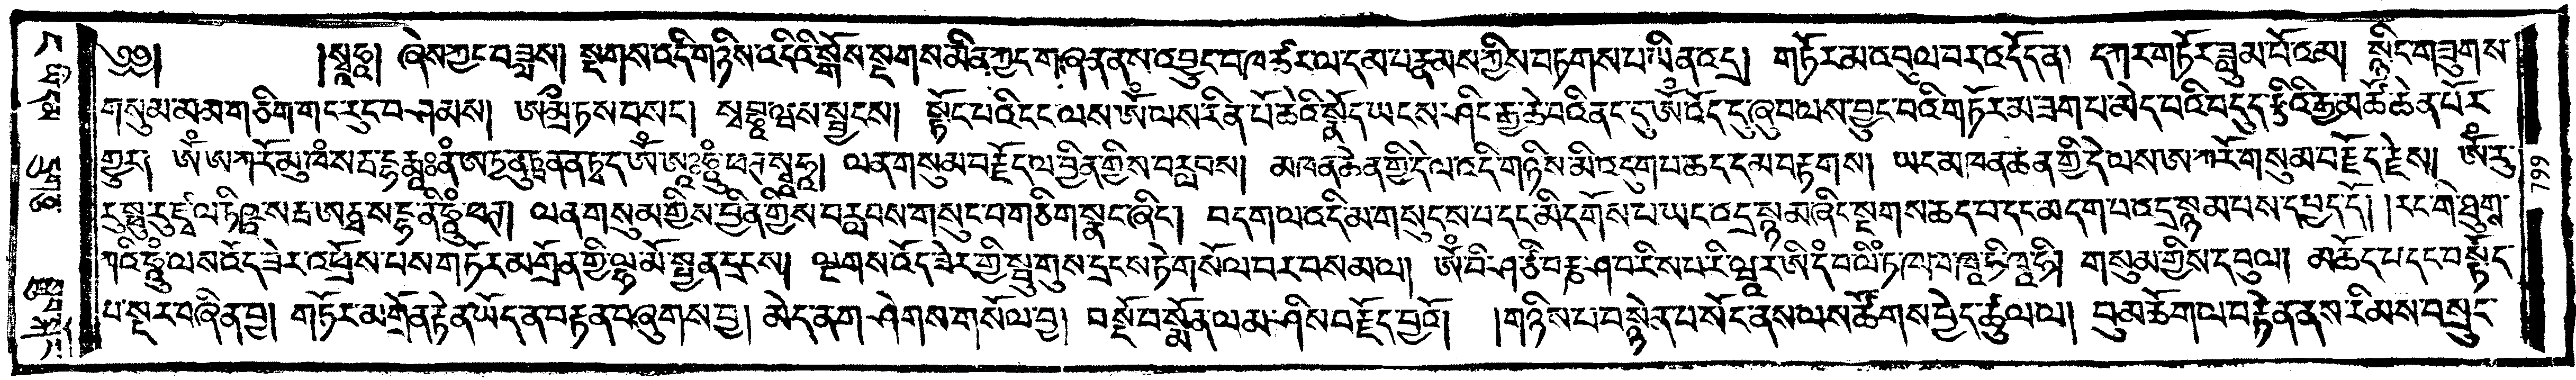༄༅། །སྭཱཧཱ། ཞེས་ཀྱང་བཟླས། སྔགས་འདི་གཉིས་འདིའི་སྒོས་སྔགས་མིན་ཀྱང་གཞན་ནས་འབྱུང་བ་ཁ་ཚར་ལ་དམ་པ་རྣམས་ཀྱིས་བཏགས་པ་ཡིན་འདྲ། གཏོར་མ་འབུལ་བར་འདོད་ན། དཀར་གཏོར་ཟླུམ་པོ་འམ། སྙིང་གཟུགས་
གསུམ་མམ་གཅིག་གང་རུང་བཤམས། ཨྀམྲ་ཏས་བསང་། སྭ་བྷཱ་ཝས་སྦྱངས། སྟོང་པའི་དང་ལས་ཨོཾ་ལས་རིན་པོ་ཆེའི་སྣོད་ཡངས་ཤིང་རྒྱ་ཆེ་བའི་ནང་དུ་ཨོཾ་འོད་དུ་ཞུབ་ལས་བྱུང་བའི་གཏོར་མ་ཟག་པ་མེད་པའི་འདུད་རྩིའི་རྒྱ་མཚོ་ཆེན་པོར་
གྱུར༑ ཨོཾ་ཨ་ཀ་རོ་མུ་ཁམས་རྦ་དྷརྨཱཿ ནཾ་ཨ་ཏྱ་ནུཏྤན་ན་ཏྭ་ད་ཨོཾ་ཨཱཿ ཧཱུཾ་ཕཊ་སྭཱཧཱ། ལན་གསུམ་བརྗོད་ལ་བྱིན་གྱིས་བརླབས། མཁན་ཆེན་ཀྱི་དེ་ལ་འདི་གཉིས་མི་འདུག་པ་ཆད་དམ་བརྟགས། ཡང་མཁན་ཆེན་གྱི་དེ་ཡས་ཨ་ཀ་རོ་གསུམ་བརྗོད་རྗེས། ཨོཾ་རུ་
རུ་སྥུ་རུ་ཛྭ་ལ་ཏི་ཥཱ་སརྦ་ཨརྠ་སདྷ་ནི་ཧཱུཾ་ཕཊ། ལན་གསུམ་གྱིས་བྱིན་གྱིས་བརླབས་གསུང་བ་གཅིག་སྣང་ཞིང་། བདག་ལ་འདི་མ་གསུངས་པ་དང་མི་དགོས་པ་ཡང་འདྲ་སྙམ་ཞིང་སྔགས་ཆད་པ་དང་མདག་པ་འདྲ་སྙམ་པས་དཔྱད་དོ། །རང་གི་ཐུགས་
ཀའི་ཧཱུཾ་ལས་འོད་ཟེར་འཕྲོས་པས་གཏོར་མགྲོན་གྱི་ལྷ་མོ་སྤྱན་དྲུངས། ལྔགས་འོད་ཟེར་གྱི་སྤུ་གུས་དྲངས་ཏེ་གསོལ་བར་བསམ་ལ། ཨོཾ་བི་ཤ་ཙི་བརྞ་ཤ་བ་རིས་པ་རི་ཝཱར་ཨི་དཾ་བ་ལི་ཏ་ཁ་ཁ་ཁ་ཧི་ཁཱ་ཧི། གསུམ་གྱིས་དབུལ། མཆོད་པ་དང་བསྟོད་
པ་སར་བཞིན་བྱ། གཏོར་མགྲོན་རྟེན་ཡོད་ན་བརྟན་བཞུགས་ཡབ། མེད་ན་གཤེགས་གསོལ་བྱ། བསོད་བ་སྨོན་ལམ་ཤིས་བརྗོད་བྱའོ། །གཉིས་པ་བསྙེན་པ་སོང་ནས་ལས་ཚོགས་བྱེད་ཚུལ་ལ། བུམ་ཚོག་ལ་བརྟེན་ནས་རིམས་བསྲུང་